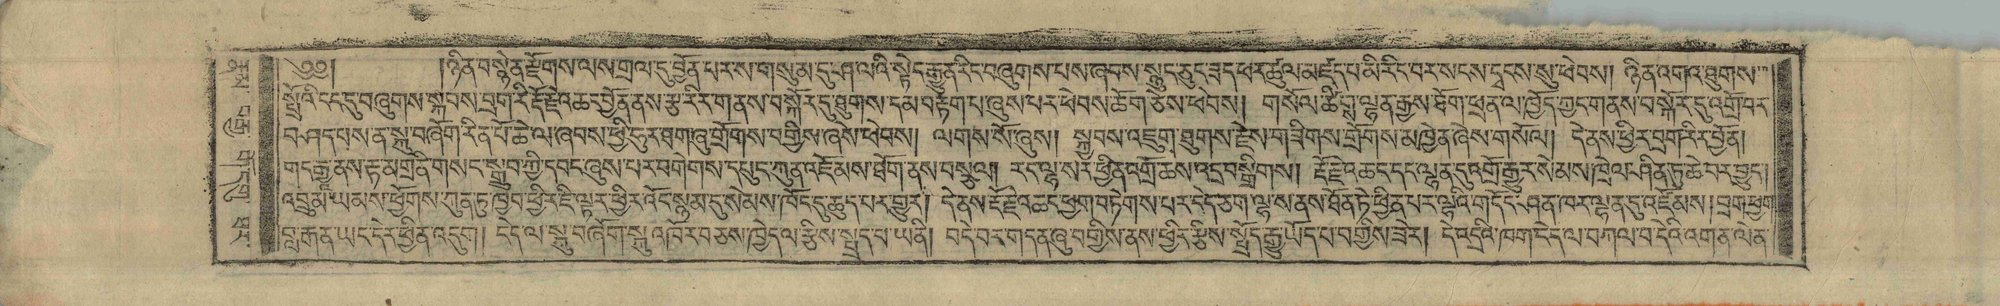༄༅། །ཉིན་བསྙེན་རྫོགས་ལས་གྲལ་དུ་བྱོན་པར་ས་གསུམ་དུ་ཤ་ལའི་སྟེང་རྒྱུན་རིང་བཞུགས་པས་ཞབས་སྙུང་ཅུང་ཟད་ཕར་ཚུལ་མཛད་པ་མི་རིང་བར་སངས་དྭངས་སུ་ཕེབས། ཉིན་འགའ་ཐུགས་
སྤྲོའི་ངང་དུ་བཞུགས་སྐབས་བྲག་རི་རྡོ་རྗེ་འཆང་བྱོན་ནས་རྩ་རིར་གནས་བསྐོར་དུ་ཐུགས་དམ་བརྟག་པ་ཞུས་པར་ཕེབས་ཆོག་ཅེས་ཕེབས། གསོལ་ཚིགས་ལྷན་རྒྱས་ཐོག་ཕྲན་ལ་ཁྱོད་ཀྱང་གནས་བསྐོར་དུ་འགྲོ་བར་
བཤད་པས་ན་སྐུ་བཞོག་རིན་པོ་ཆེ་ལ་ཞབས་ཕྱི་ཧུར་ཐག་ཞུ་གྲོགས་བགྱིས་ཞེས་ཕེབས། ལགས་སོ་ཞུས། སྐྱབས་འཇུག་ཐུགས་རྗེས་གཟིགས་གྲོགས་མཁྱེན་ཞེས་གསོལ། དེ་ནས་ཕྱིར་བྲག་རིར་བྱོན།
གང་རྒྱཱ་ནས་རྟ་མགྲིན་གསང་སྒྲུབ་ཀྱི་དབང་ཞུས་པར་བགེགས་དཔུང་ཀུན་འཇོམས་ཐོག་ནས་བསྩལ། རང་ལྷ་སར་ཕྱིན་འགྲོ་ཆས་འདྲ་བསྒྲིགས། རྡོ་རྗེ་འཆང་དང་ལྷན་དུ་འགྲོ་རྒྱུར་སེམས་ཁྲེལ་ཤིན་ཏུ་ཆེ་བར་བྱུང་།
འབྲུམ་ཡམས་ཕྱོགས་ཀུན་ཏུ་ཁྱབ་ཕྱིར་ཇི་ལྟར་ཕྱིར་འོང་སྙམ་དུ་སེམས་ཁོང་དུ་ཆུད་པར་གྱུར། དེ་ནས་རྡོ་རྗེ་འཆང་ཕྱག་བཏེགས་པར་ངེད་ཅག་ལྷ་ས་ནས་ཐོན་ཏེ་ཕྱིན་པར་ལྷའི་གདོང་ཤན་ཁར་ལྷན་དུ་འཛོམས། བྲག་ཕྱག་
བླ་རྒན་ཡང་དེར་ཕྱིན་འདུག །ངེད་ལ་སྐུ་བཞོག་སྐུ་འཁོར་བཅས་ཁྱེད་ལ་རྩིས་སྤྲད་པ་ཡིན། བདེ་བར་གདན་ཞུ་བགྱིས་ནས་ཕྱིར་རྩིས་སྤྲོད་རྒྱུ་ཡོད་པ་བགྱིས་ཟེར། དེ་འདྲའི་ཁག་ངེད་ལ་བཀལ་བ་དེའི་འགན་ལེན་